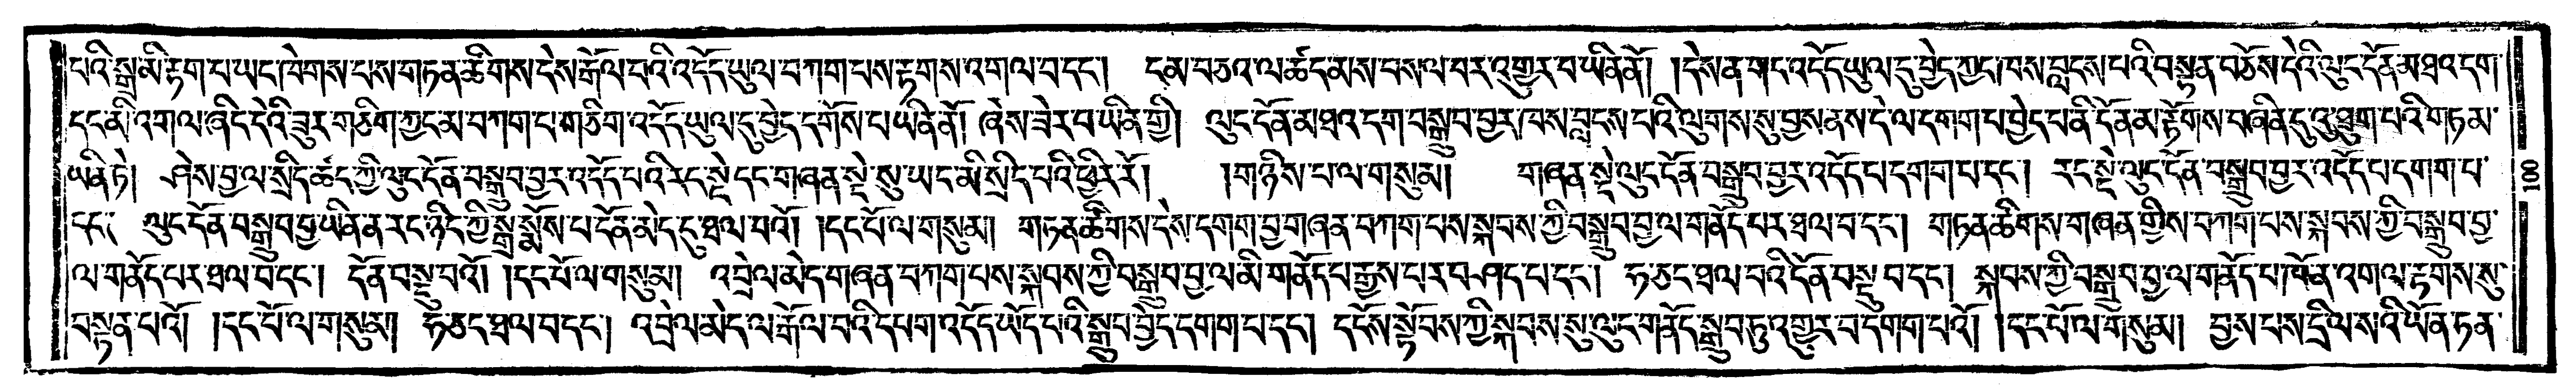པའི་སྒྲ་མི་རྟག་པ་ཡང་ཁེགས་པས་གཏན་ཚིགས་དེས་རྒོལ་བའི་འདོད་ཡུལ་བཀག་པས་རྟགས་འགལ་བ་དང་། དམ་བཅའ་ལ་ཚད་མས་བསལ་བར་འགྱུར་བ་ཡིན་ནོ། །དེས་ན་གང་འདོད་ཡུལ་དུ་བྱེད་ཀྱང་བླངས་པའི་བསྟན་བཅོས་དེའི་ལུང་དོན་མཐའ་དག་
དང་མི་འགལ་ཞིང་དེའི་ཟུར་གཅིག་ཀྱང་མ་བཀག་པ་གཅིག་འདོད་ཡུལ་དུ་བྱེད་དགོས་པ་ཡིན་ནོ། ཞེས་ཟེར་བ་ཡིན་གྱི། ལུང་དོན་མཐའ་དག་བསྒྲུབ་བྱར་ཁས་བླངས་པའི་ལུགས་སུ་བྱས་ནས་དེ་ལ་དགག་པ་བྱེད་པ་ནི་དོན་མ་རྟོགས་བཞིན་དུ་འུ་ཐུག་པའི་གཏམ་
ཡིན་ཏེ། ཤེས་བྱ་ལ་སྲིད་ཚད་ཀྱི་ལུང་དོན་བསྒྲུབ་བྱར་འདོད་པའི་རང་སྡེ་དང་གཞན་སྡེ་སུ་ཡང་མི་སྲིད་པའི་ཕྱིར་རོ། །གཉིས་པ་ལ་གསུམ། གཞན་སྡེ་ལུང་དོན་བསྒྲུབ་བྱར་འདོད་པ་དགག་པ་དང་། རང་སྡེ་ལུང་དོན་བསྒྲུབ་བྱར་འདོད་པ་དགག་པ་
དང༑ ལུང་དོན་བསྒྲུབ་བྱ་ཡིན་ན་རང་ཉིད་ཀྱི་སྒྲ་སྨོས་པ་དོན་མེད་དུ་ཐལ་པའོ། །དང་པོ་ལ་གསུམ། གཏན་ཚིགས་དེས་དགག་བྱ་གཞན་བཀག་པས་སྐབས་ཀྱི་བསྒྲུབ་བྱ་ལ་གནོད་པར་ཐལ་བ་དང་། གཏན་ཚིགས་གཞན་གྱིས་བཀག་པས་སྐབས་ཀྱི་བསྒྲུབ་བྱ་
ལ་གནོད་པར་ཐལ་བ་དང་། དོན་བསྡུ་བའོ། །དང་པོ་ལ་གསུམ། འབྲེལ་མེད་གཞན་བཀག་པས་སྐབས་ཀྱི་བསྒྲུབ་བྱ་ལ་མི་གནོད་པ་རྒྱས་པར་བཤད་པ་དང་། ཧ་ཅང་ཐལ་བའི་དོན་བསྡུ་བ་དང་། སྐབས་ཀྱི་ནྦྶྒྲུབ་བྱ་ལ་གནོད་པ་ཁོ་ན་འགལ་རྟགས་སུ་
བསྟན་པའོ། །དང་པོ་ལ་གསུམ། ཧ་ཅང་ཐལ་བ་དང་། འབྲེལ་མེད་ལ་རྒོལ་བའི་དཔག་འདོད་ཡོད་པའི་སྒྲུབ་བྱེད་དགག་པ་དང་། དངོས་སྟོབས་ཀྱི་སྐབས་སུ་ལུང་གནོད་སྒྲུབ་ཏུ་འགྱུར་བ་དགག་པའོ། །དང་པོ་ལ་གསུམ། བྱས་པས་དྲིལ་སའི་ཡོན་ཏན་